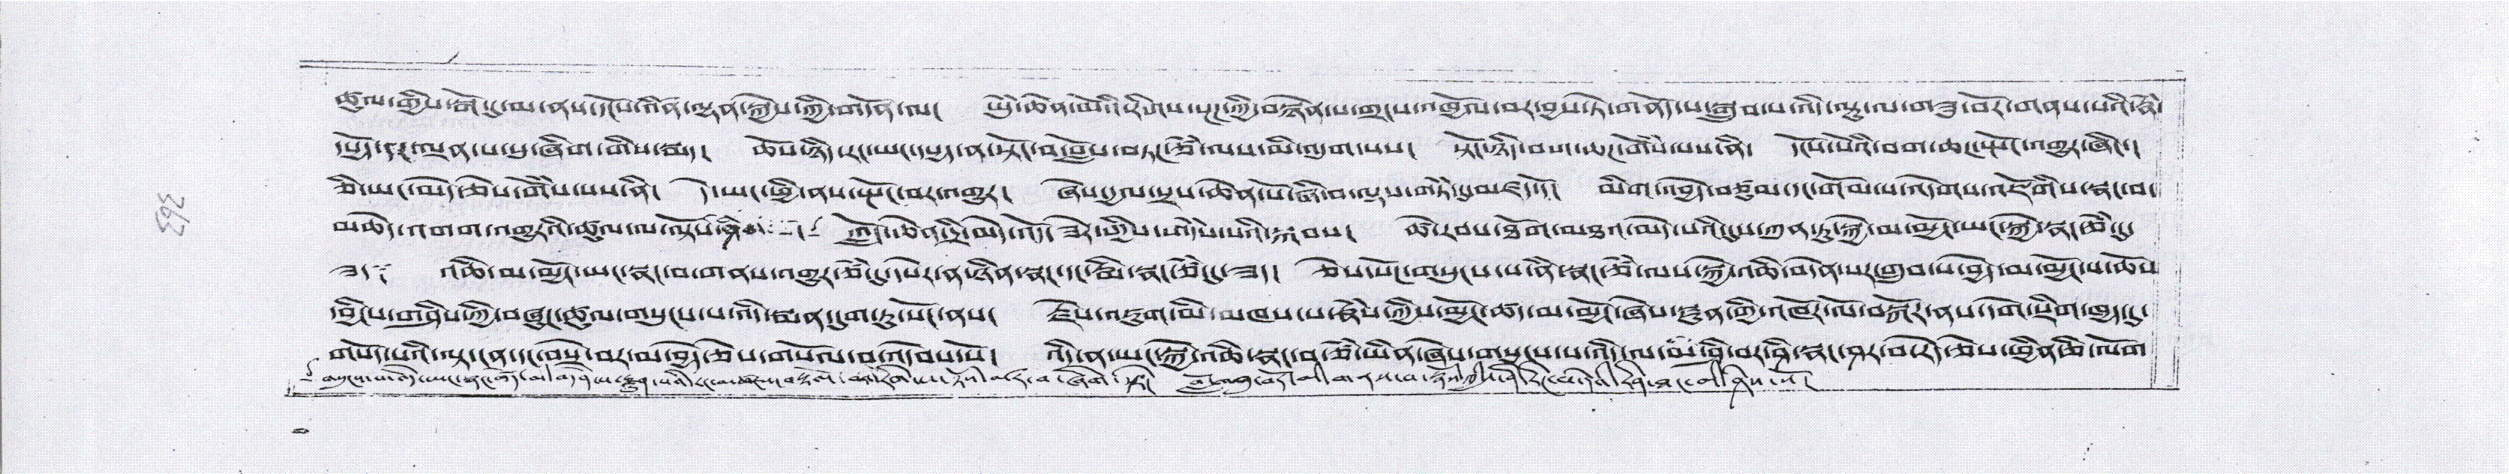ཚུལ་གྱིས་སྒོ་དུ་མ་ནས་དངོས་འཛིན་ལྷན་སྐྱེས་ཀྱི་གདོན་ལ། ཡུམ་ཆེན་མོའི་རིགས་སྔགས་ཀྱི་བསྙེན་པ་གྲངས་འཁྱོལ་བར་བྱས་ཏེ་གནོད་པ་སྒྲུབ་པ་འདི་ལྟ་བུ་ལ་གཟུ་བོར་གནས་པའི་རྣམ་
དཔྱོད་ངར་ལྡན་པ་སུ་ཞིག་གིས་སྨད། ཆོས་ཉིད་རང་ཡང་དཔྱད་ན་སྟོང་བ་བློས་བཏགས་ཙམ་ལས་མི་འདུག་པས། སྟོང་ཉིད་བག་ཆགས་གོམས་པས་ནི། དངོས་པོའི་བག་ཆགས་སྤོང་འགྱུར་ཞིང། 
ཅི་ཡང་མེད་ཅེས་གོམས་པས་ནི། དེ་ཡང་ཕྱི་ནས་སྤོང་བར་འགྱུར། ཞེས་རྒྱལ་སྲས་ཆེན་པོ་ཞི་བ་ལྷས་གཏམ་དུ་མཛད་དོ། མིག་འབྱེད་བཙུམ་དང་གོམ་པ་འདེགས་འཇོག་གིས་སྣང་བ་
མཆེད་འགག་འགྱུར་བའི་ཚུལ་ལ་ལྟོས་ཤིག། ཀློང་ཆེན་དྲི་མེད་འོད་ཟེར་གྱིས་གདམས་པའི་སྐབས། ཚེ་རབས་ཐོག་མཐའ་མེད་པའི་དུས་ཀུན་ཏུ་སྐྱེ་མ་མྱོང་ཡང་སྐྱེ་སྣང་ཙམ་དུ་
ཟད། འཆི་མ་མྱོང་ཡང་སྣང་བ་གནས་འགྱུར་ཙམ་དུ་དཔེར་ན་ཉིན་སྣང་དང་རྨི་སྣང་ཙམ་དུ་ཟད། ཅེས་སོགས་གསུངས་པ་ནི་སྣང་ཙམ་ལས་སྐྱེ་འཆི་བདེན་པར་གྲུབ་པ་བྱེད་མ་མྱོང་བ་ཆོས་
དབྱིངས་གཤིས་ཀྱི་བཞུགས་ཚུལ་གསུངས་པ་འདི་སྨན་དུག་ཏུ་སོང་ནས། རྗེས་འཇུག་མི་མཁས་པ་རྣམས་ཀྱིས་མྱོང་ཚད་མ་མྱོང་ཞེས་རྫུན་གྱི་འཁོར་ལོ་བསྐོར་ནས་དགེ་སྡིག་ཁྱད་དུ་
གསོད་པའི་ལྟ་ངན་དང་བསྲེ་བར་མ་བྱེད་ཅེས་གསོལ་བ་འདེབས་སོ། འདི་ན་ཡང་སྐྱེ་འཆི་སྣང་བ་ཙམ་ཡིན་ཞེས་གསུངས་པ་འདི་ལ་མི་ཤི་བར་ཤི་སྣང་ཤར་བ་རེད་ཅེས་ཕྱིན་ཅི་ལོག་
གསུངས་པ་འདི་ཡང་སྣང་གདམ་མི་བདེན་པ་རྫུན་པའི་རང་མཚན་བརྟོལ་བའི་རིགས་ཉམས་མཚར་བ་ཞིག་སྟེ། བློ་གཟུ་བོར་མི་གནས་པ་རྣམས་ཀྱིས་ནི་རིགས་པ་དེའི་རིན་ཐང་མི་ཤེས་སོ།